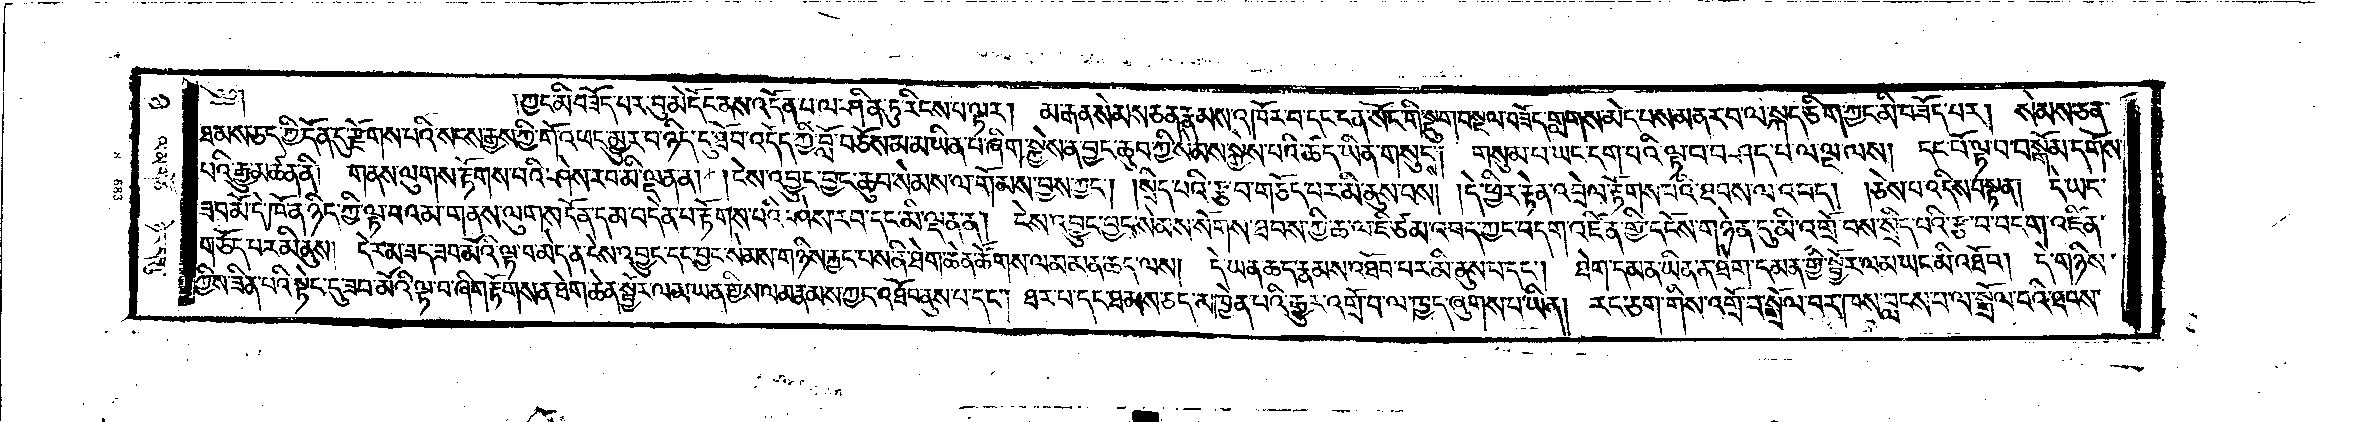༄༅། །ཀྱང་མི་བཟོད་པར་བུ་མེ་དོང་ནས་འདོན་པ་ལ་ཤིན་ཏུ་རིངས་པ་ལྟར། མ་རྒན་སེམས་ཅན་རྣམས་འཁོར་བ་དང་ངན་སོང་གི་སྡུག་བསྔལ་བཟོད་གླགས་མེད་པས་མནར་བ་ལ་སྐད་ཅིག་ཀྱང་མི་བཟོད་པར། སེམས་ཅན་
ཐམས་ཅད་ཀྱི་དོན་དུ་རྫོགས་པའི་སངས་རྒྱས་ཀྱི་གོ་འཕང་མྱུར་བ་ཉིད་དུ་ཐོབ་འདོད་ཀྱི་བློ་བཅོས་མ་མ་ཡིན་པ་ཞིག་སྐྱེས་ན་བྱང་ཆུབ་ཀྱི་སེམས་སྐྱེས་པའི་ཚད་ཡིན་གསུངས། གསུམ་པ་ཡང་དག་པའི་ལྟ་བ་བཤད་པ་ལ་ལྔ་ལས། དང་པོ་ལྟ་བ་བསྒོམ་དགོས་
པའི་རྒྱུ་མཚན་ནི། གནས་ལུགས་རྟོགས་པའི་ཤེས་རབ་མི་ལྡན་ན། །ངེས་འབྱུང་བྱང་ཆུབ་སེམས་ལ་གོམས་བྱས་ཀྱང་། །སྲིད་པའི་རྩ་བ་གཅོད་པར་མི་ནུས་པས། །དེ་ཕྱིར་རྟེན་འབྲེལ་རྟོགས་པའི་ཐབས་ལ་འབད། །ཅེས་པ་འདིས་བསྟན། དེ་ཡང་
ཟབ་མོ་དེ་ཁོ་ན་ཉིད་ཀྱི་ལྟ་བའམ་གནས་ལུགས་དོན་དམ་བདེན་པ་རྟོགས་པའི་ཤེས་རབ་དང་མི་ལྡན་ན། ངེས་འབྱུང་བྱང་སེམས་སོགས་ཐབས་ཀྱི་ཆ་ལ་ཇི་ཙམ་འབད་ཀྱང་བདག་འཛིན་གྱི་དངོས་གཉེན་དུ་མི་འགྲོ་བས་སྲིད་པའི་རྩ་བ་བདག་འཛིན་
གཅོད་པར་མི་ནུས། དེར་མ་ཟད་ཟབ་མོའི་ལྟ་བ་མེད་ན་ངེས་འབྱུང་དང་བྱང་སེམས་གཉིས་རྐྱང་པས་ནི་ཐེག་ཆེན་ཚོགས་ལམ་མན་ཆད་ལས། དེ་ཡན་ཆད་རྣམས་འཐོབ་པར་མི་ནུས་པ་དང་། ཐེག་དམན་ཡིན་ན་ཐེག་དམན་གྱི་སྦྱོར་ལམ་ཡང་མི་འཐོབ། དེ་གཉིས་
ཀྱིས་ཟིན་པའི་སྟེང་དུ་ཟབ་མོའི་ལྟ་བ་ཞིག་རྟོགས་ན་ཐེག་ཆེན་སྦྱོར་ལམ་ཡན་གྱིས་ལམ་རྣམས་ཀྱང་འཐོབ་ནུས་པ་དང་། ཐར་པ་དང་ཐམས་ཅད་མཁྱེན་པའི་རྒྱུར་འགྲོ་བ་ལ་ཁྱད་ཞུགས་པ་ཡིན། རང་ཅག་གིས་འགྲོ་བ་སྒྲོལ་བར་ཁས་བླངས་པ་ལ་སྒྲོལ་བའི་ཐབས་